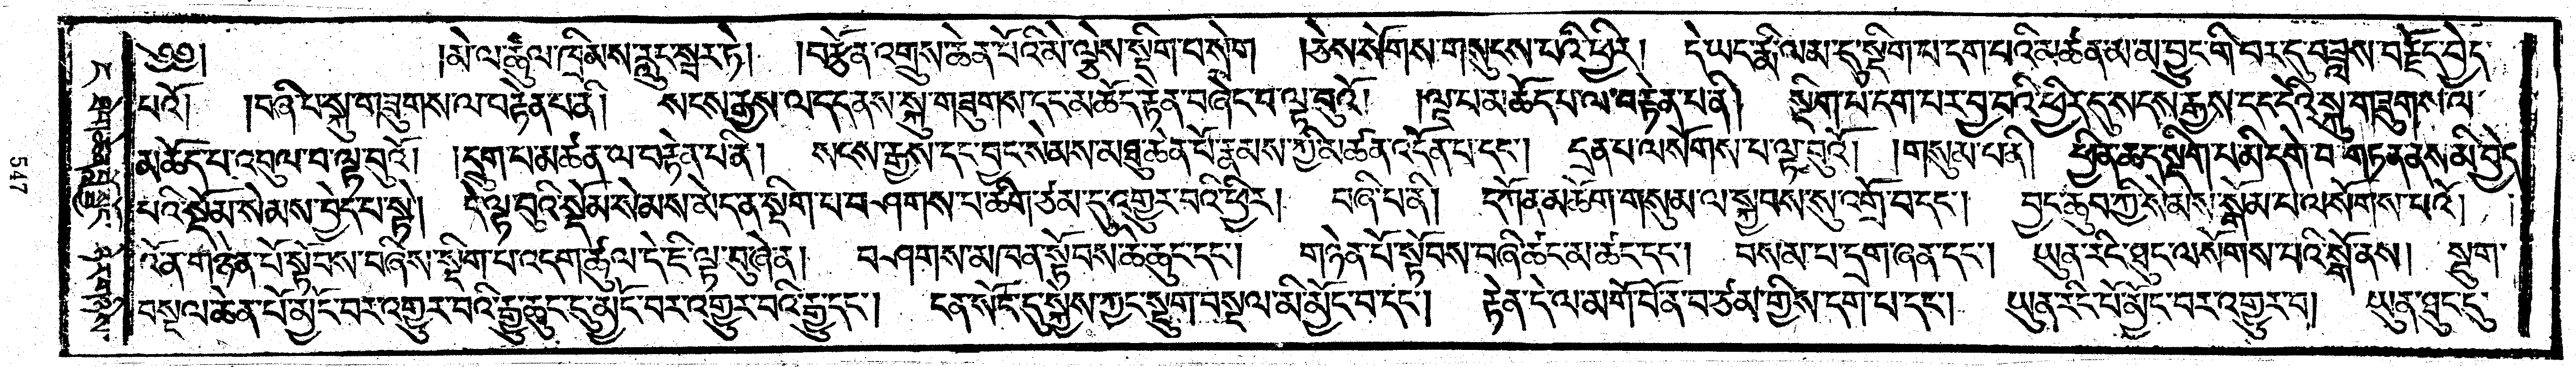༄༅། །མེ་ལ་ཚུལ་ཁྲིམས་རླུང་སྦར་ཏེ། །བརྩོན་འགྲུས་ཆེན་པོའི་མེ་ལྕེས་སྡིག་པ་སྲེག །ཅེས་སོགས་གསུངས་པའི་ཕྱིར། དེ་ཡང་རྨི་ལམ་དུ་སྡིག་པ་དག་པའི་མཚན་མ་མ་བྱུང་གི་བར་དུ་བཟླས་བརྗོད་བྱེད་
པའོ། །བཞི་པ་སྐུ་གཟུགས་ལ་བརྟེན་པ་ནི། སངས་རྒྱས་ལ་དད་ནས་སྐུ་གཟུགས་དང་མཆོད་རྟེན་བཞེང་བ་ལྟ་བུའོ། །ལྔ་པ་མཆོད་པ་ལ་བརྟེན་པ་ནི། སྡིག་པ་དག་པར་བྱ་བའི་ཕྱིར་དུ་སངས་རྒྱས་དང་དེའི་སྐུ་གཟུགས་ལ་
མཆོད་པ་འབུལ་བ་ལྟ་བུའོ། །དྲུག་པ་མཚན་ལ་བརྟེན་པ་ནི། སངས་རྒྱས་དང་བྱང་སེམས་མཐུ་ཆེན་པོ་རྣམས་ཀྱི་མཚན་འདོན་པ་དང་། དྲན་པ་ལ་སོགས་པ་ལྟ་བུའོ། །གསུམ་པ་ནི། ཕྱིན་ཆད་སྡིག་པ་མི་དགེ་བ་གཏན་ནས་མི་བྱེད་
པའི་སྡོམ་སེམས་བྱེད་པ་སྟེ། དེ་ལྟ་བུའི་སྡོམ་སེམས་མེད་ན་སྡིག་པ་བཤགས་པ་ཚིག་ཙམ་དུ་འགྱུར་བའི་ཕྱིར། བཞི་པ་ནི། དཀོན་མཆོག་གསུམ་ལ་སྐྱབས་སུ་འགྲོ་བ་དང་། བྱང་ཆུབ་ཀྱི་སེམས་སྒོམ་པ་ལ་སོགས་པའོ། །
འོ་ན་གཉེན་པོ་སྟོབས་བཞིས་སྡིག་པ་འདག་ཚུལ་དེ་ཇི་ལྟ་བུ་ཞེ་ན། བཤགས་མཁན་སྟོབས་ཆེ་ཆུང་དང་། གཉེན་པོ་སྟོབས་བཞི་ཚང་མ་ཚང་དང་། བསམ་པ་དྲག་ཞན་དང་། ཡུན་རིང་ཐུང་ལ་སོགས་པའི་སྒོ་ནས། སྡུག་
བསྔལ་ཆེན་པོ་མྱོང་བར་འགྱུར་བའི་རྒྱུ་ཆུང་དུ་མྱོང་བར་འགྱུར་བའི་རྒྱུ་དང་། ངན་སོང་དུ་སྐྱེས་ཀྱང་སྡུག་བསྔལ་མི་མྱོང་བ་དང་། རྟེན་དེ་ལ་མགོ་བོ་ན་བ་ཙམ་གྱིས་དག་པ་དང་། ཡུན་རིང་པོ་མྱོང་བར་འགྱུར་བ། ཡུན་ཐུང་དུ་